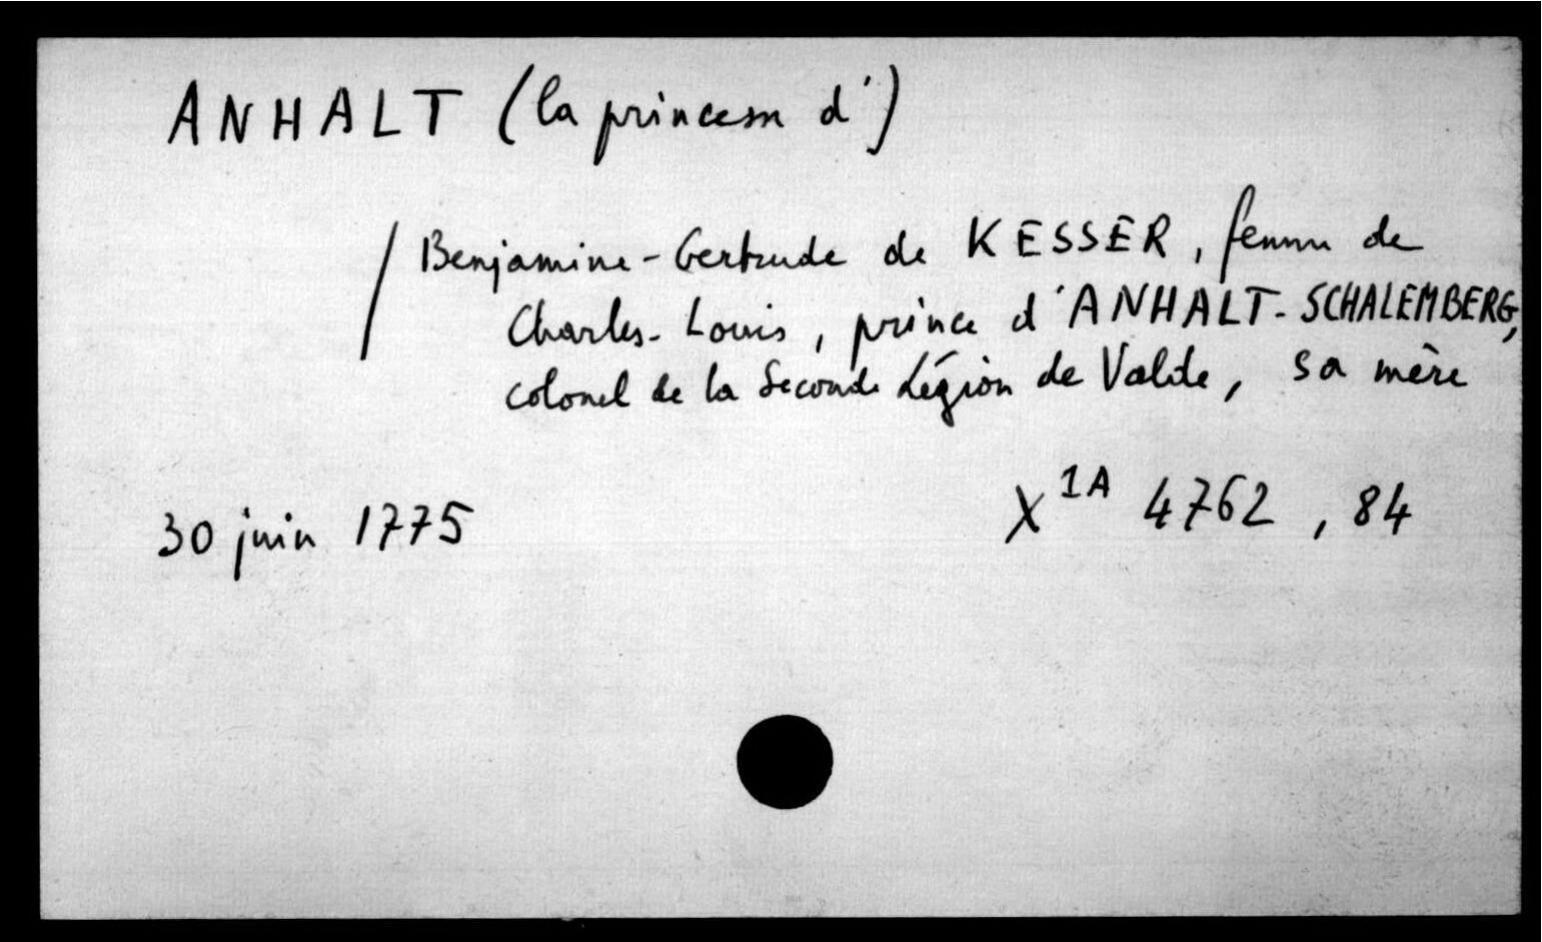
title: ANHALT (la princesse d')
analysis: Contre Benjamine-Gertrude de KESSER, femme de Charles-Louis, prince d'ANHALT-SCHALEMBERG, colonel de la seconde Légion de Valde, sa mère
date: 30 juin 1775
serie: X1A
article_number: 4762
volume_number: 84
